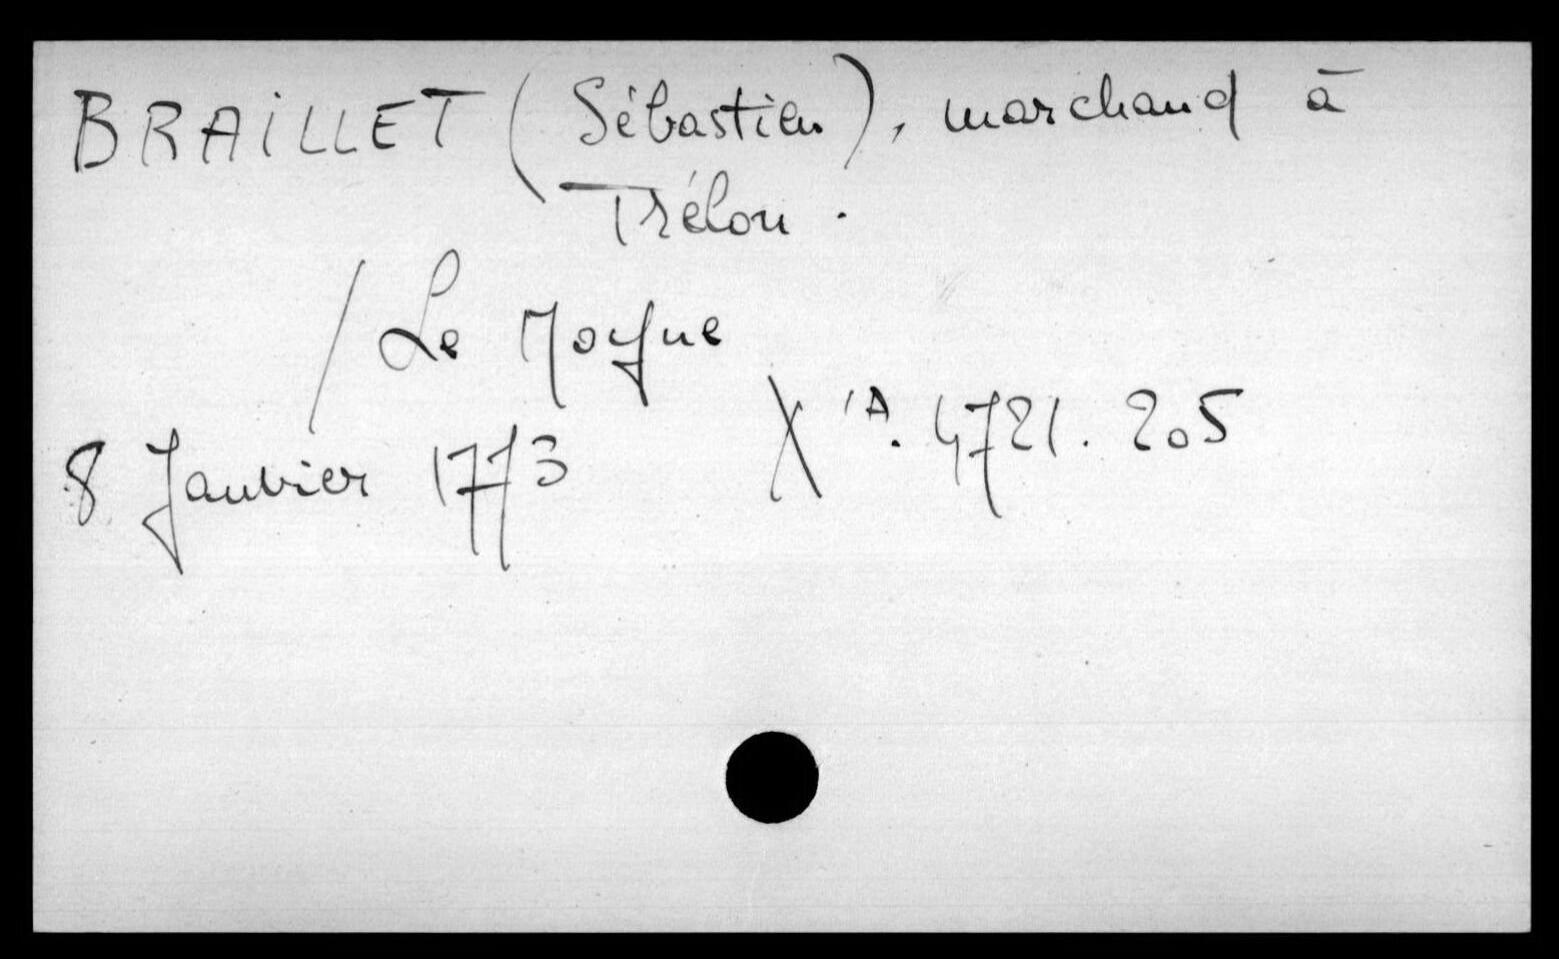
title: BRAILLET (Sébastien), marchand à Trélou
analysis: Contre le Moyne
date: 8 janvier 1773
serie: X1A
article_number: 4721
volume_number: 205
